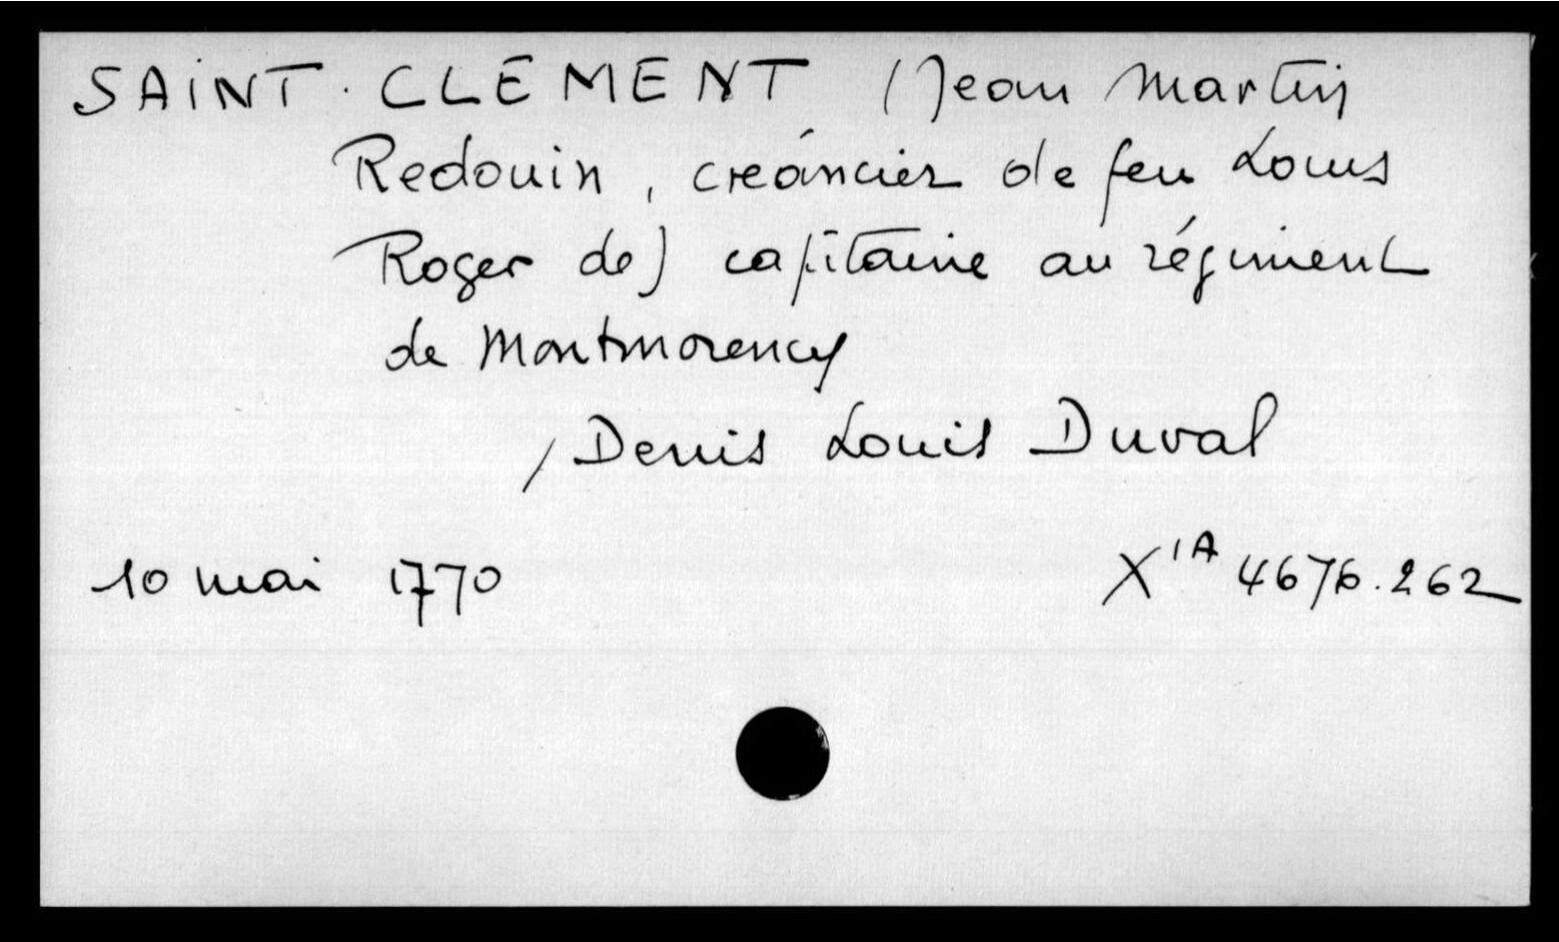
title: SAINT-CLEMENT (Jean Martin Redouin, créancier de feu Louis Roger de) capitaine au régiment de Montmorency
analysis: Contre Denis Louis Duval
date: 10 mai 1770
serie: X1A
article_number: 4676
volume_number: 262
